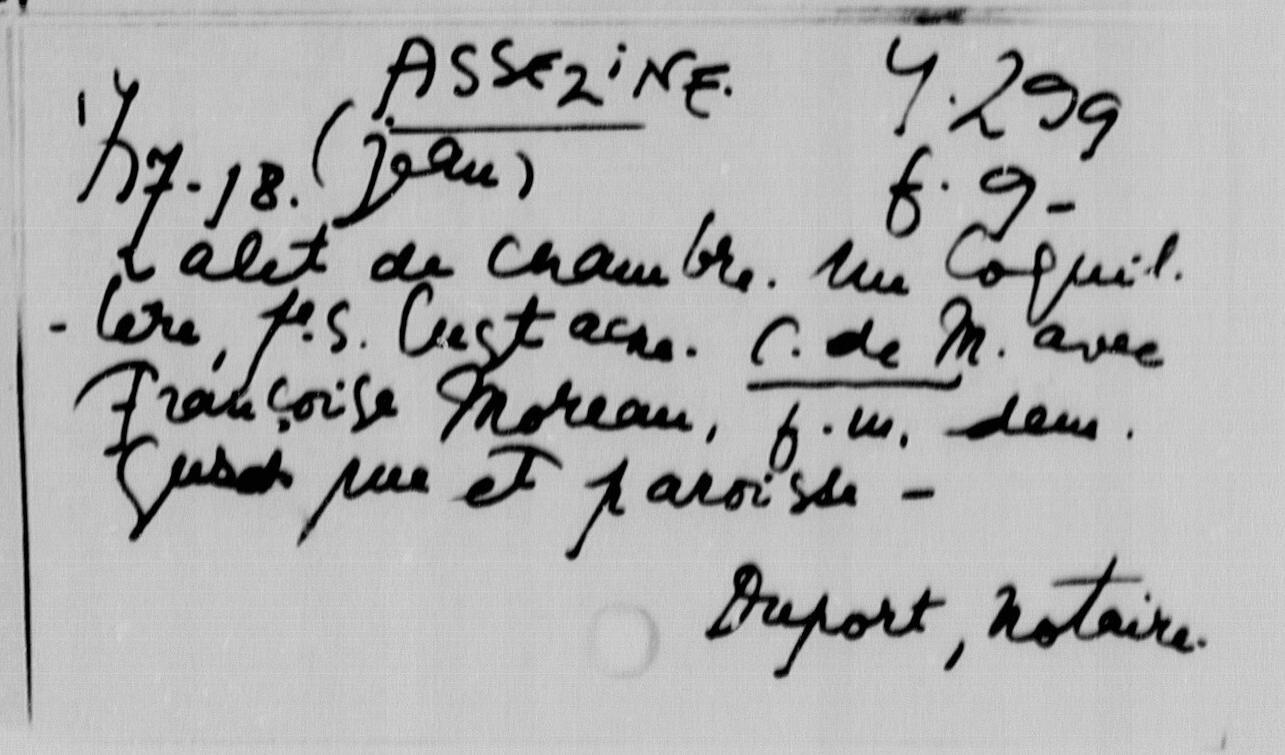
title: ASSELINE (Jean)
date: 1717-1718
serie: Y
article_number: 299
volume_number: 9
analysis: Valet de chambre, rue Coquillère, paroisse Saint-Eustache. Contrat de mariage avec Françoise MOREAU, fille majeure, demeurant susdites rue et paroisse. Duport, notaire.
